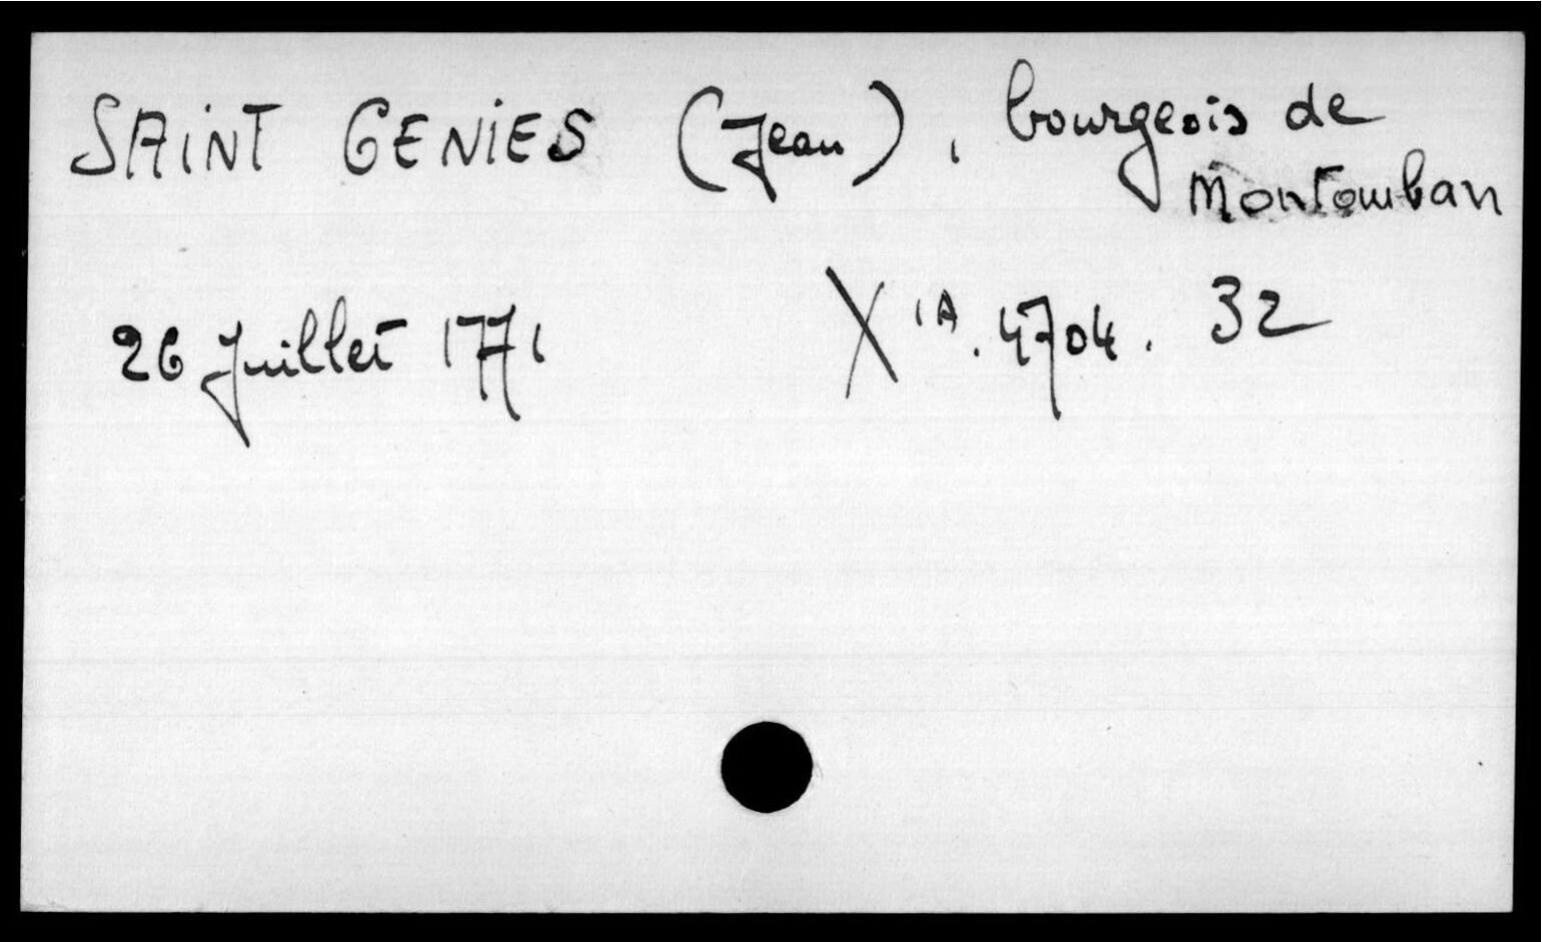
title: SAINT GENIES (Jean), bourgeois de Montauban
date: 26 juillet 1771
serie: X1A
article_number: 4704
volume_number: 32
